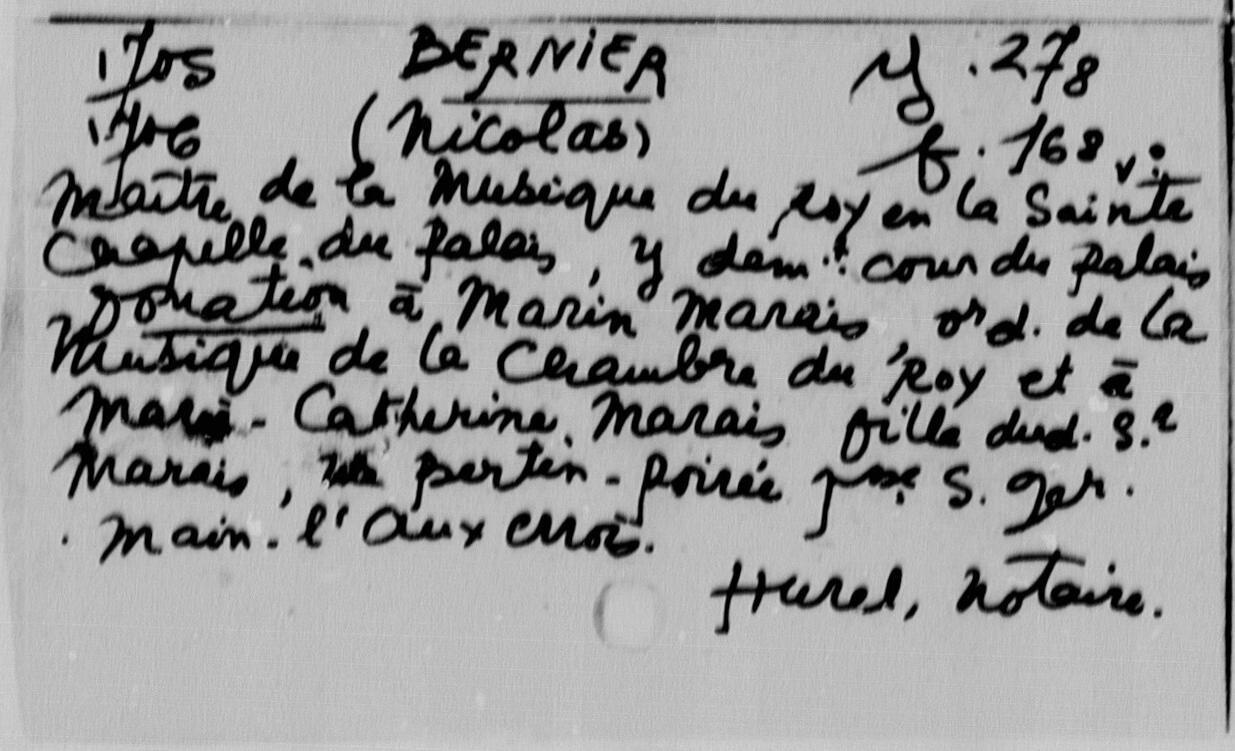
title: BERNIER (Nicolas)
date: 1705-1706
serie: Y
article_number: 278
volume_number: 168v
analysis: Maître de la Musique du roy en la Sainte Chapelle du palais, y demeurant cour du Palais. Donation à Marin Marais, ordinaire de la musique de la chambre du roy et à Marie-Catherine Marais fille dudit sieur Marais, rue Bertin-Poirée paroisse Saint-Germain-l'Auxerrois. Hurel, notaire.
